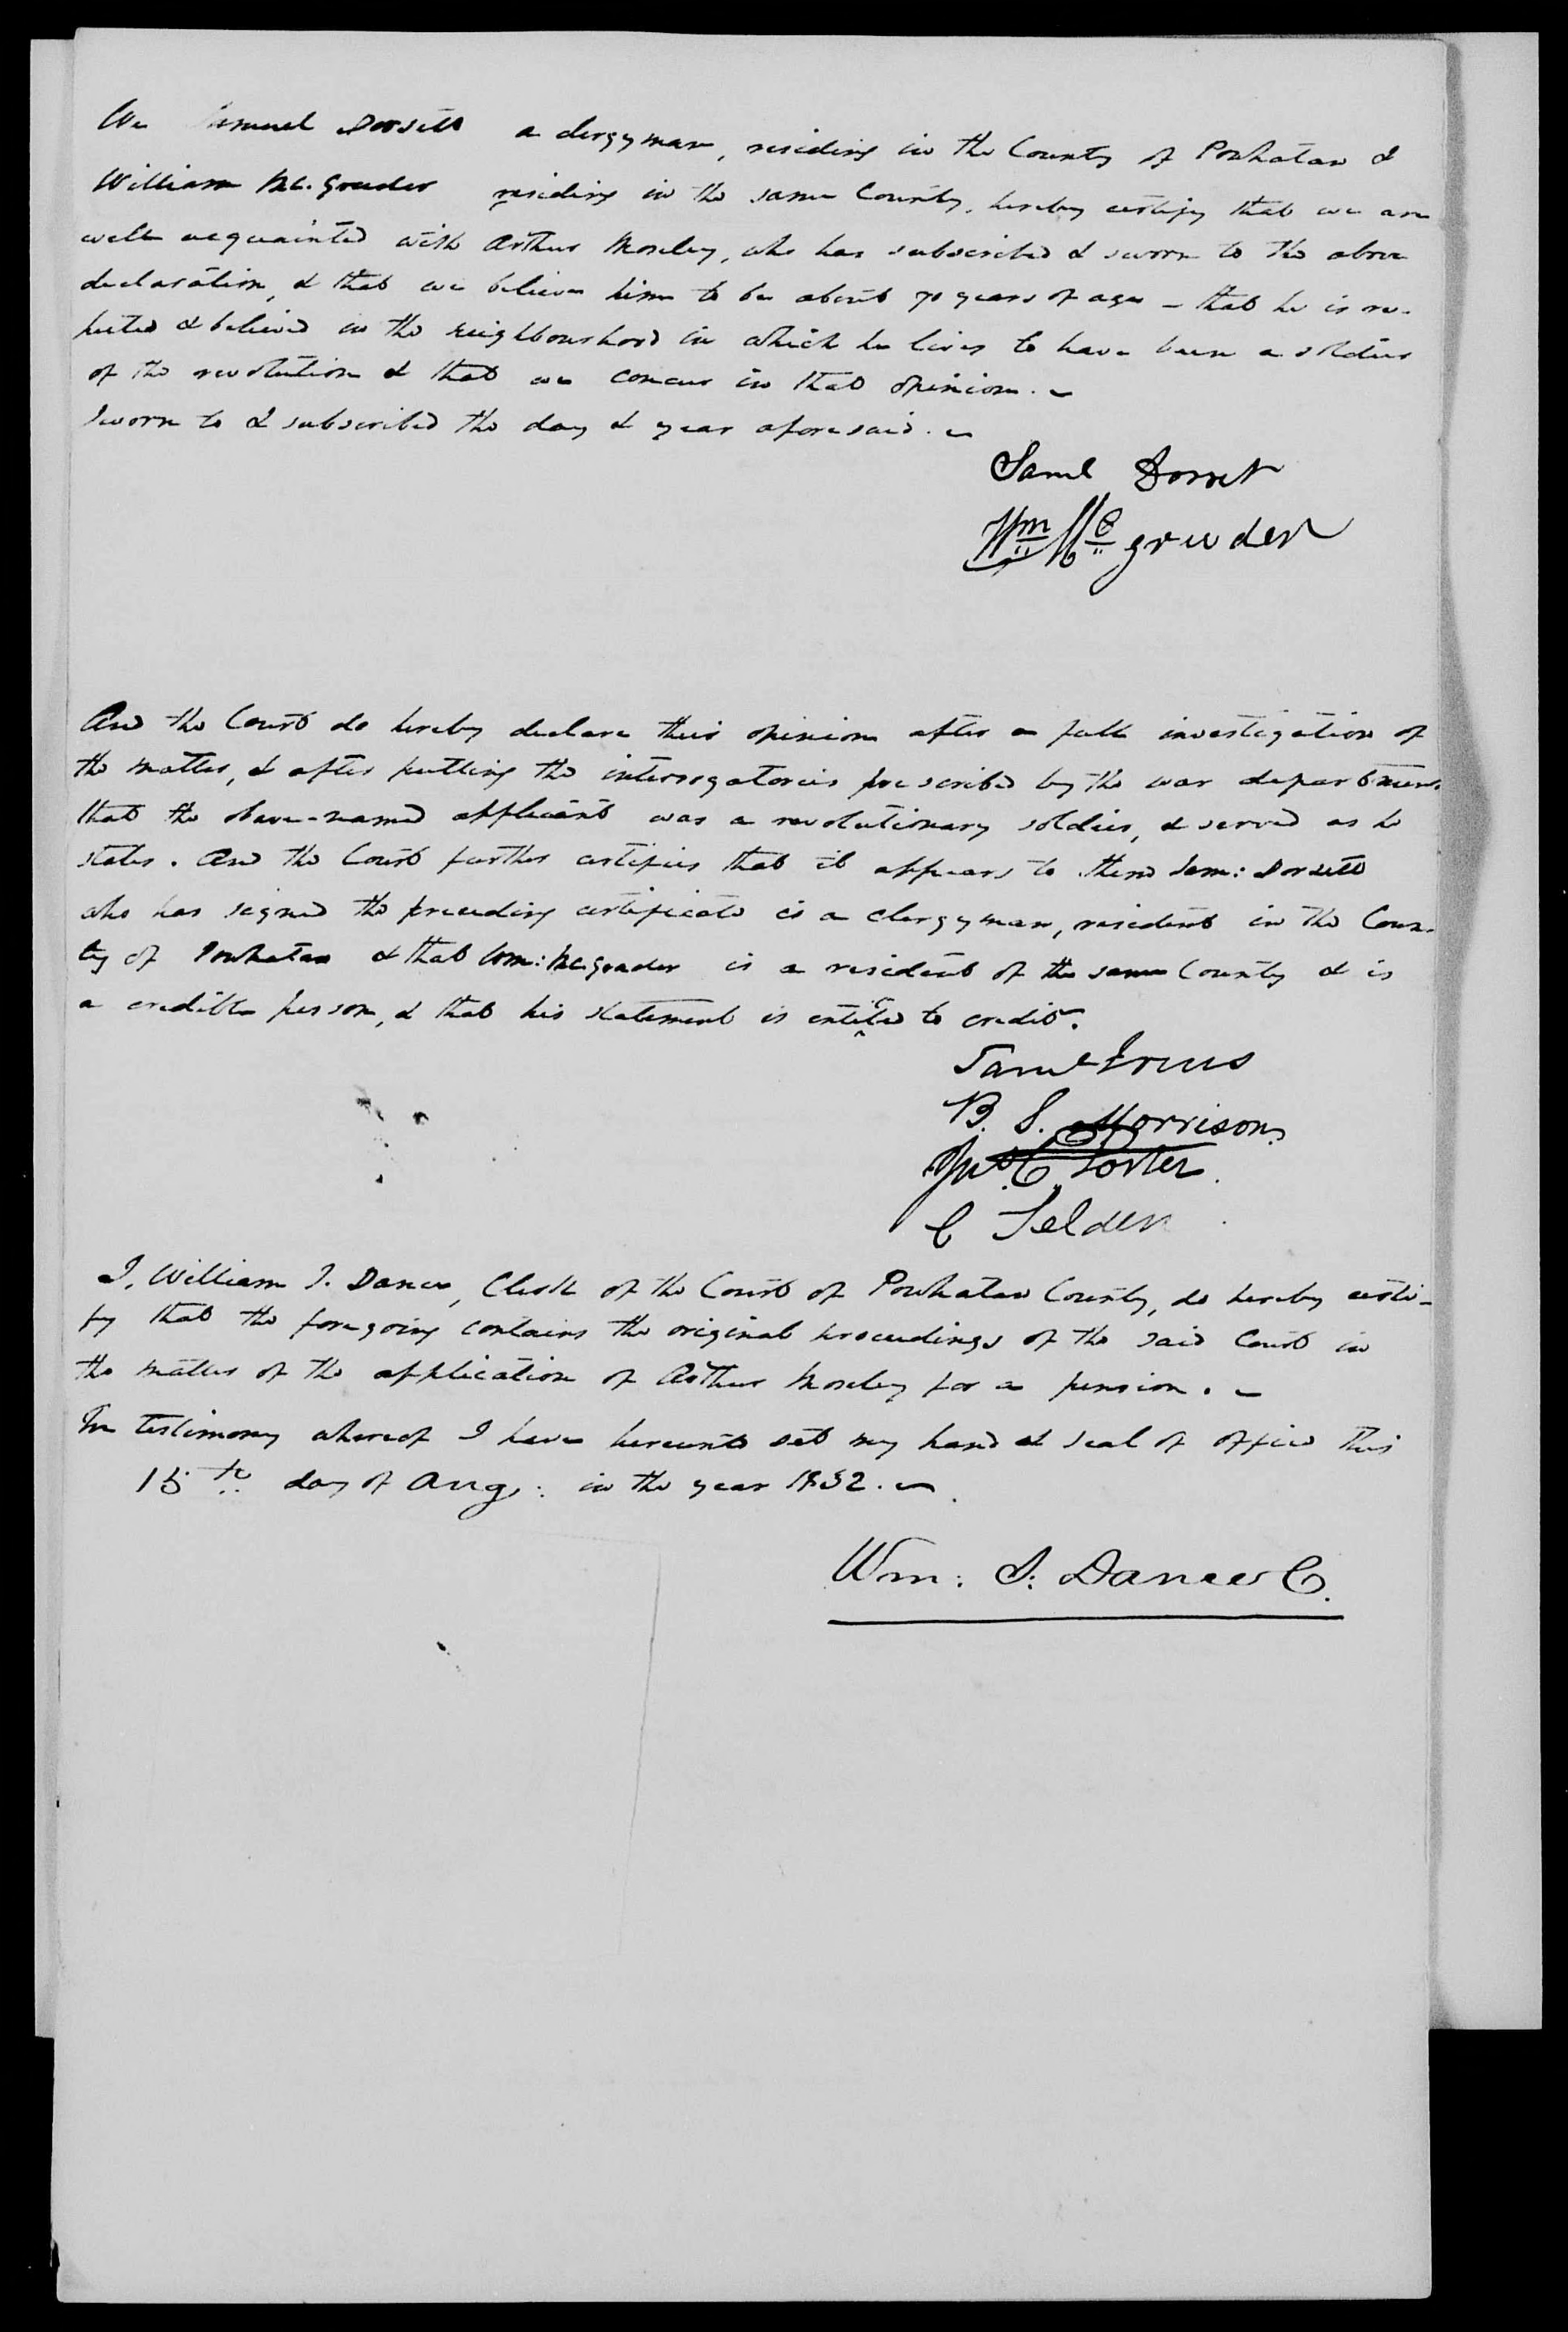We, Samuel Dorsett, a clergyman, residing in the County of Powhatan & William McGruder, residing in the same County, hereby certify that we are well acquainted with Arthur Moseley, who has subscribed and sworn to the above declaration, & that we believe him to be about 70 years of age – that he is respected & believed in the neighbourhood in which he lives to have been a soldier of the revolution & that we concur in that opinion. – Sworn to & subscribed the day & year aforesaid. – 

Samuel Dorsett
Wm McGruder

And the Court do hereby declare their opinion after a full investigation of the matter, & after putting the interrogatories prescribed by the war department that the aforenamed applicant was a revolutionary soldier, & served as he states.  And the Court further certifies that it appears to them Sam: Dorsett who has signed the preceding certificate is a clergyman, residing in the County of Powhatan & that Wm: McGruder is a resident of the same County & is a credible person, & that his statement is entitled to credit.

Samul [illegible]
B. S. Morrison
Ju. C. Porter
I. Selder

I, William S Dance, Clerk of the Court of Powhatan County do hereby certify that the foregoing contains the original proceedings of the said Court in the matter of the application of Arthur Moseley for a pension. – In testimony whereof I have hereunto set my hand & seal of office this 15th day of Aug: in the year 1832. -

Wm. S. Dance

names: Samuel Dorsett; William S Dance; Arthur Moseley; C Selden; William Mc Gruder; Saml Jones; Jno C Porter; B S Morrison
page: 5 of 21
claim: survivor's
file: S. 7240, for Arthur Moseley, Virginia